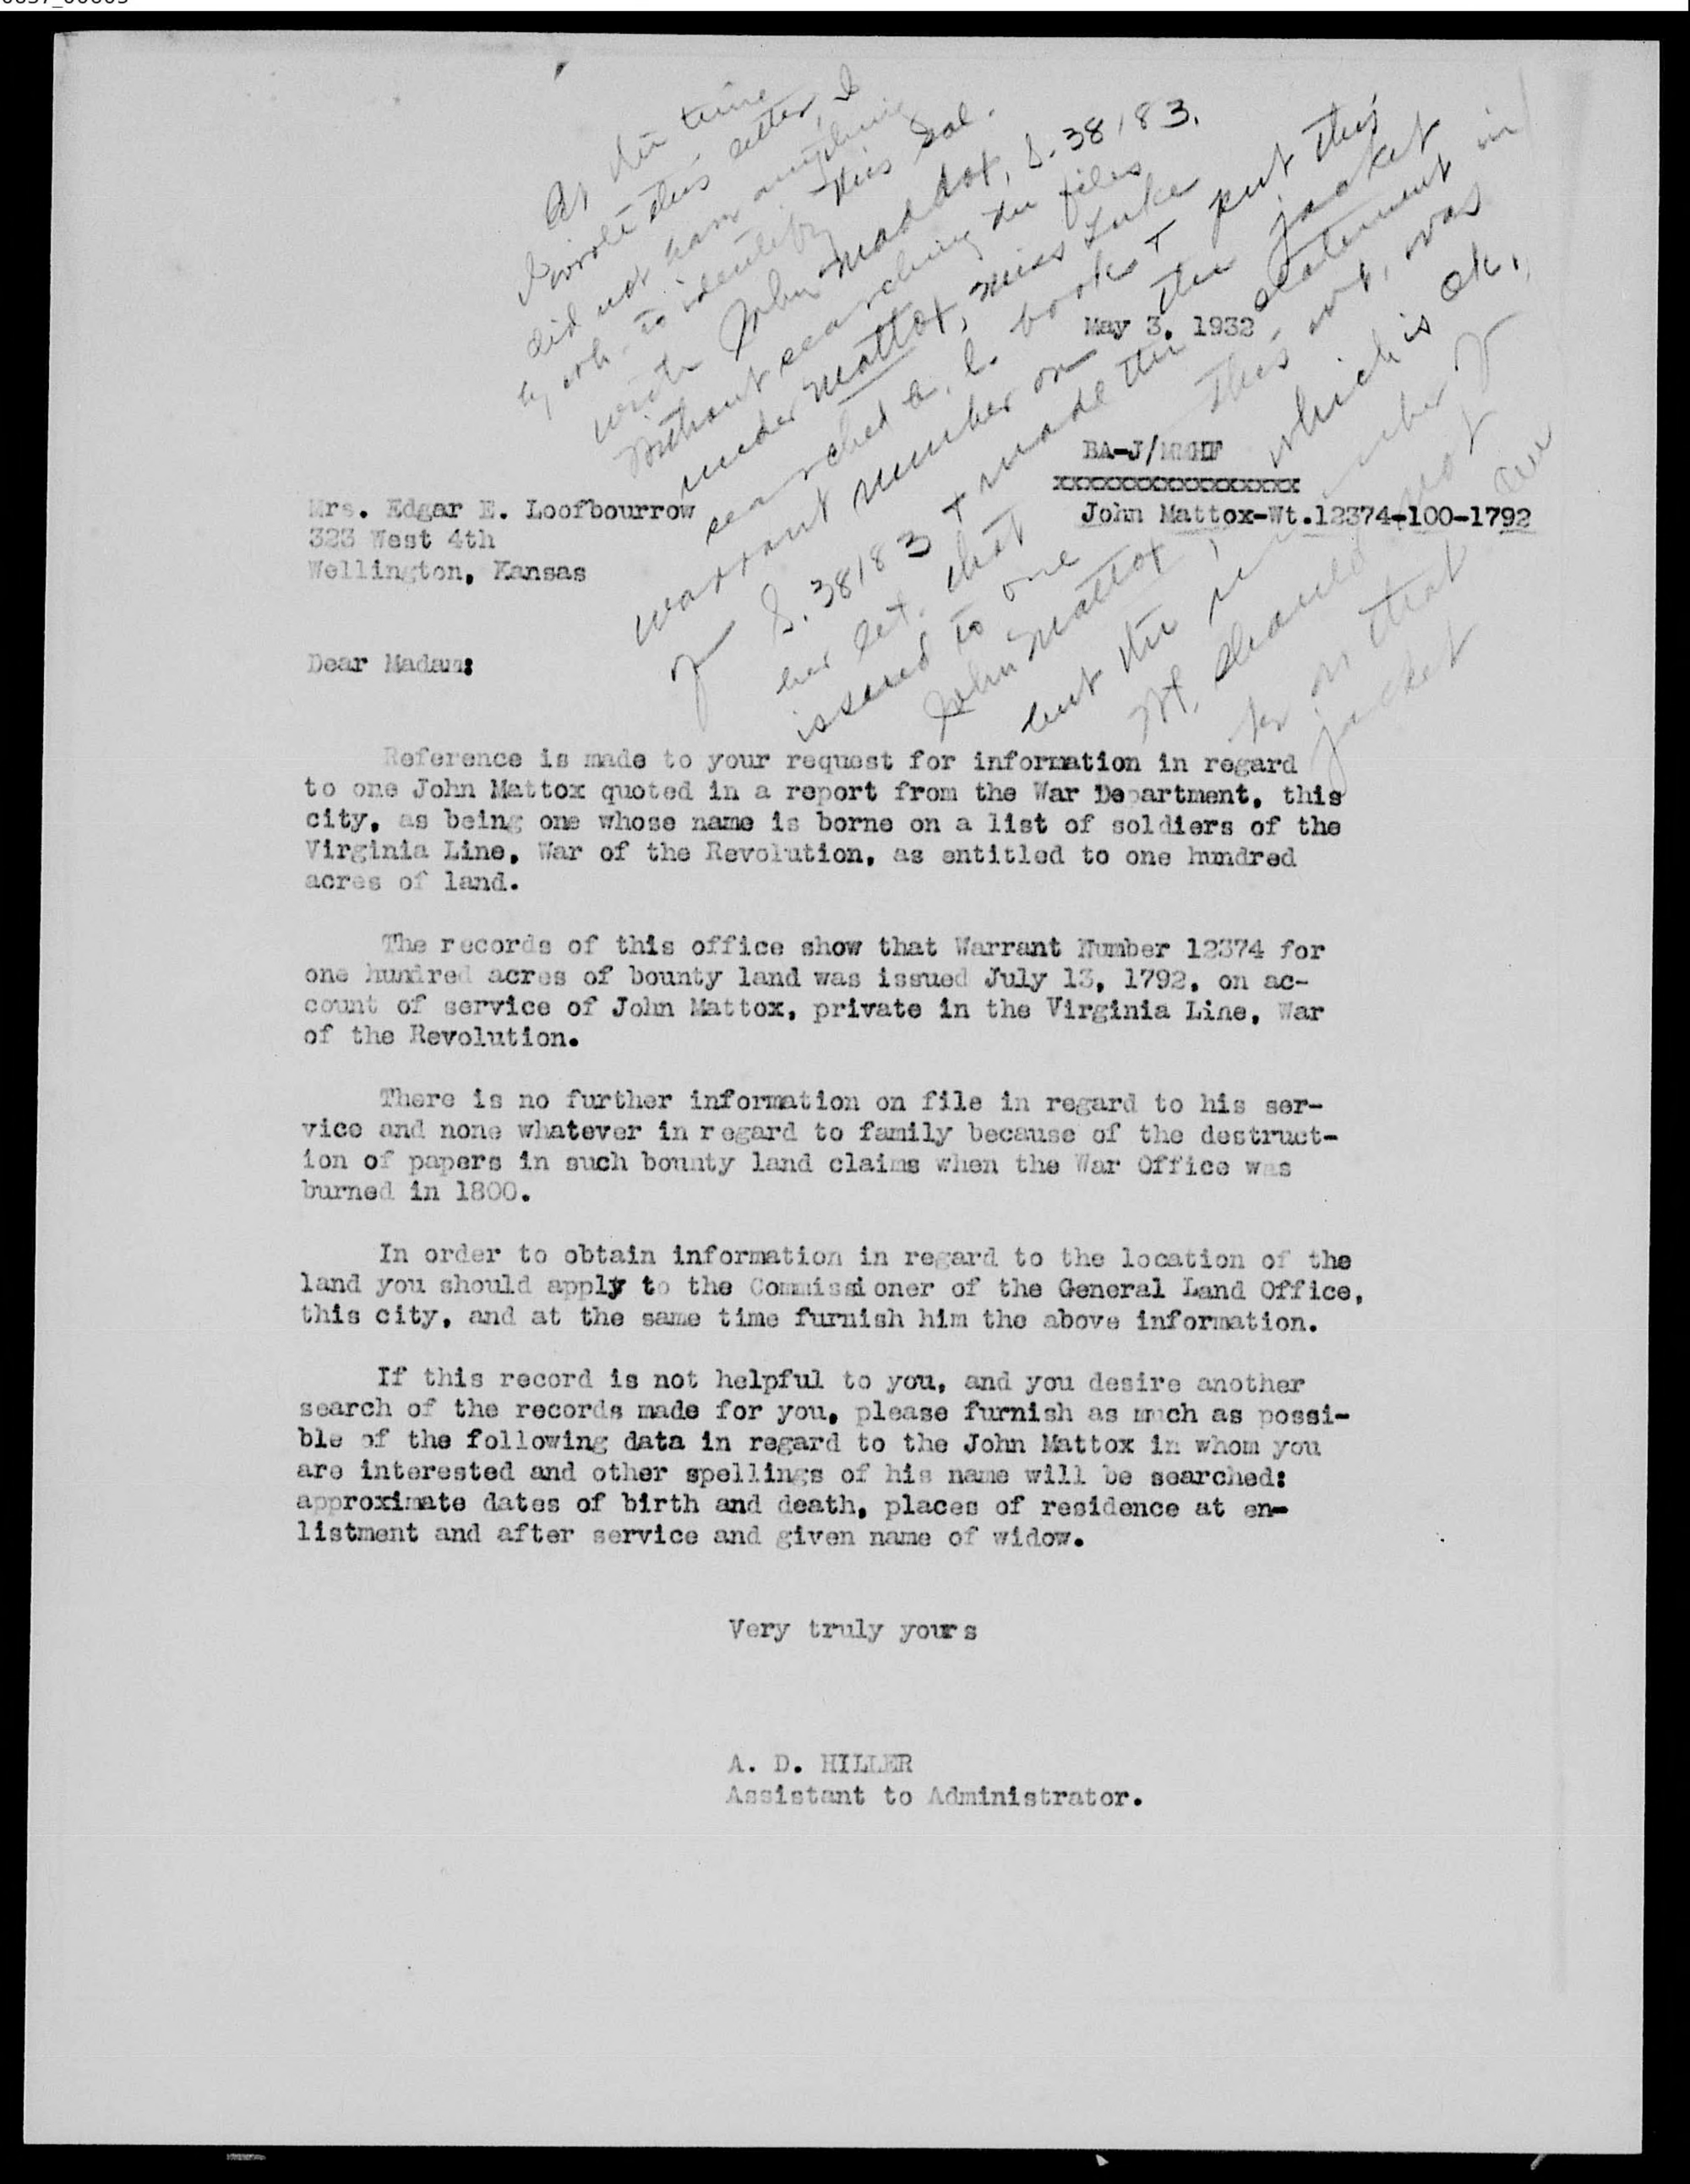Mrs. Edgar E. Loofbourrow
323 West 4th
Wellington, Kansas

Dear Madam:
Reference is made to your request for information in regard to one John Mattox quoted in a report from the War Department, this city, as being one whose name is borne on a list of soldiers of the Virginia Line, War of the Revolution, as entitled to one hundred acres of land.  

The records of this office show that Warrant Number 12374 for one hundred acres of bounty land was issued July 13, 1792, on account of service of John Mattox, private in the Virginia Line, War of the Revolution.

There is no further information on file in regard to his service and none whatever in regard to family because of the destruction of papers in such bounty lad claims when the War Office was burned in 1800.

In order to obtain information in regard to the location of the land you should apply to the Commissioner of the General Land Office, this city, and at the same time furnish him the above information.

If this record is not helpful to you, and you desire another search of the records made for you, please furnish as much as possible of the following data in regard to the John Mattox in whom you are interested and other spellings of his name will be searched: approximate dates of birth and death, places of residence at enlistment and after service and given name of widow.

Very truly yours

A. D. Hiller
Assistant to Administrator.

(handwritten at top of page)
At the time I wrote this letter, I did not have anything by which to identify this Sol. with John Maddox, S. 38183, without searching the files under Mattox, Miss Luke searched b. l. [bounty land] book & put this warrant number on the jacket of S. 38183 & made the statement in her let. that this wt, was John Mattox, which is ok, but the number of Wt. should not be on that  jacket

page: 4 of 5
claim: bounty land warrant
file: B.L.Wt. 12374-100, for John Mattox, Virginia